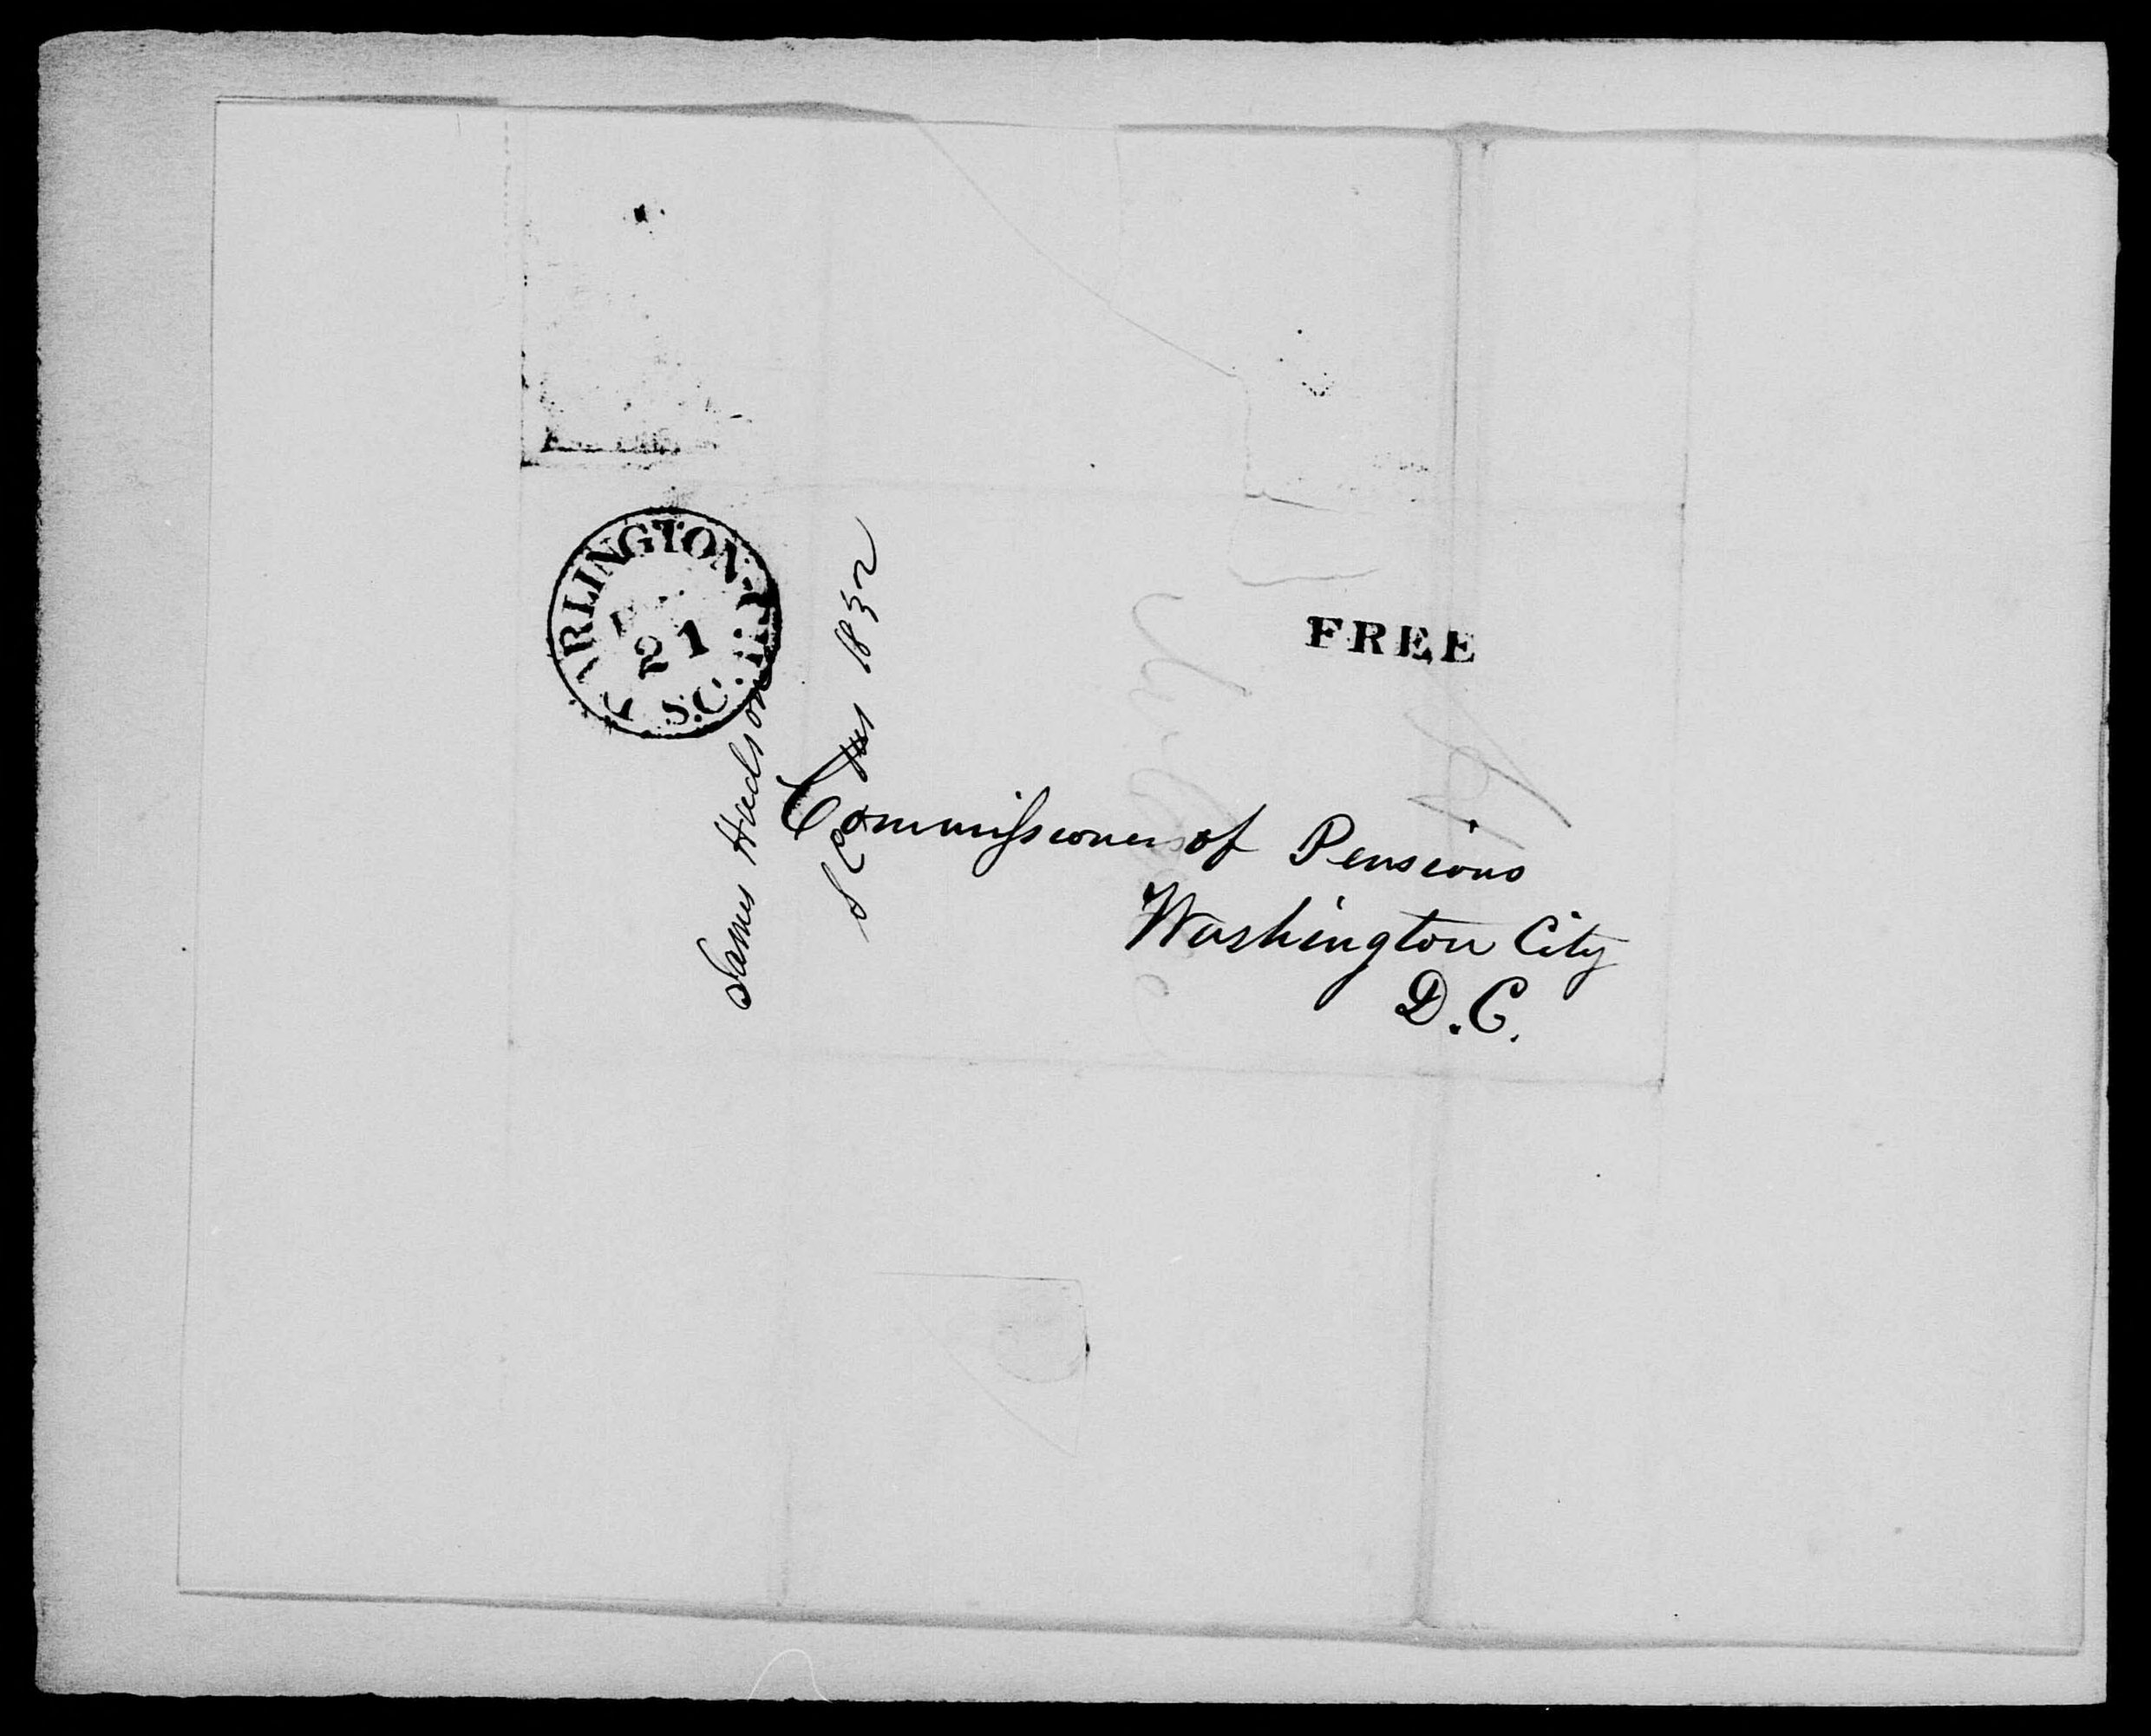Commissioner of Pensions
Washington City
D.C.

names: James Hudson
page: 28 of 33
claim: rejected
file: R. 5334, James Hudson, N.C.